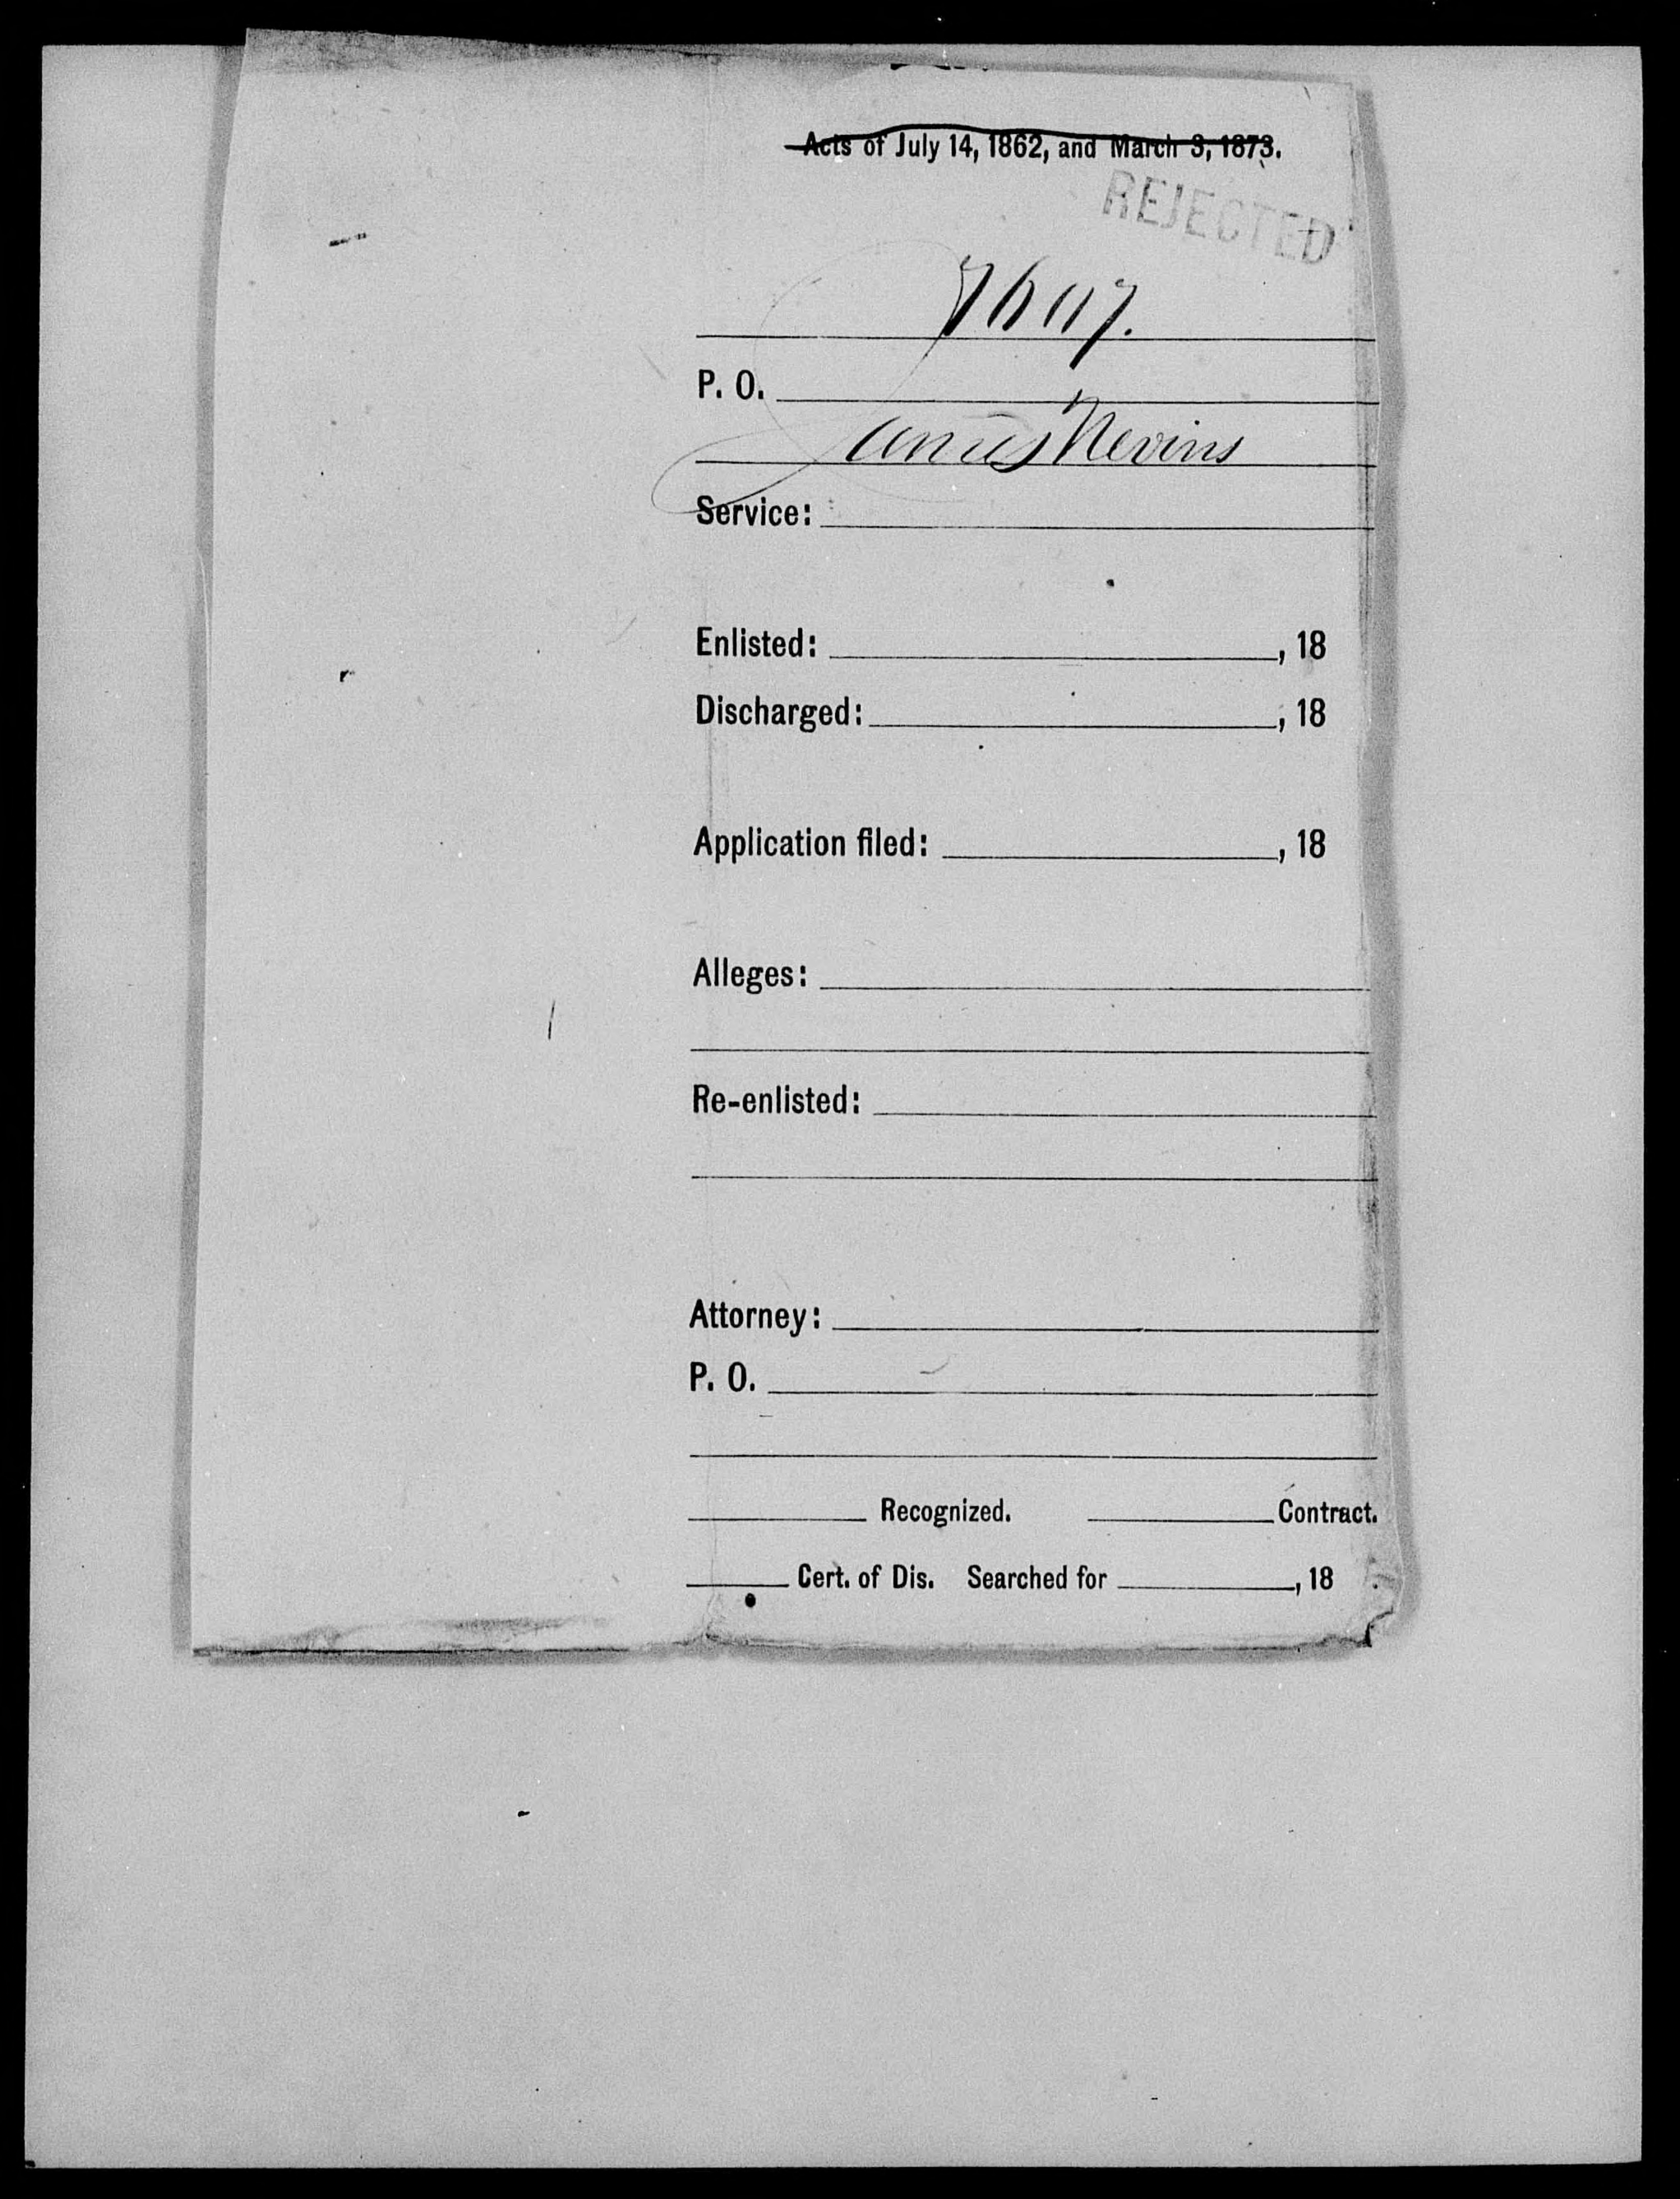Acts of July 14, 1862, and March 3, 1873. [crossed out]
REJECTED

76117.
P.O.
James Nevins
Service:   , 18
Enlisted:   , 18
Discharged:   , 18
Application filed:   , 18
Alleges:
Re-enlisted:
Attorney:
P.O.
Recognized.     Contract.
Cert. of Dis.      Searched for    , 18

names: James Nevins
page: 3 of 10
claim: rejected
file: R. 7,607, for James Levins, Georgia